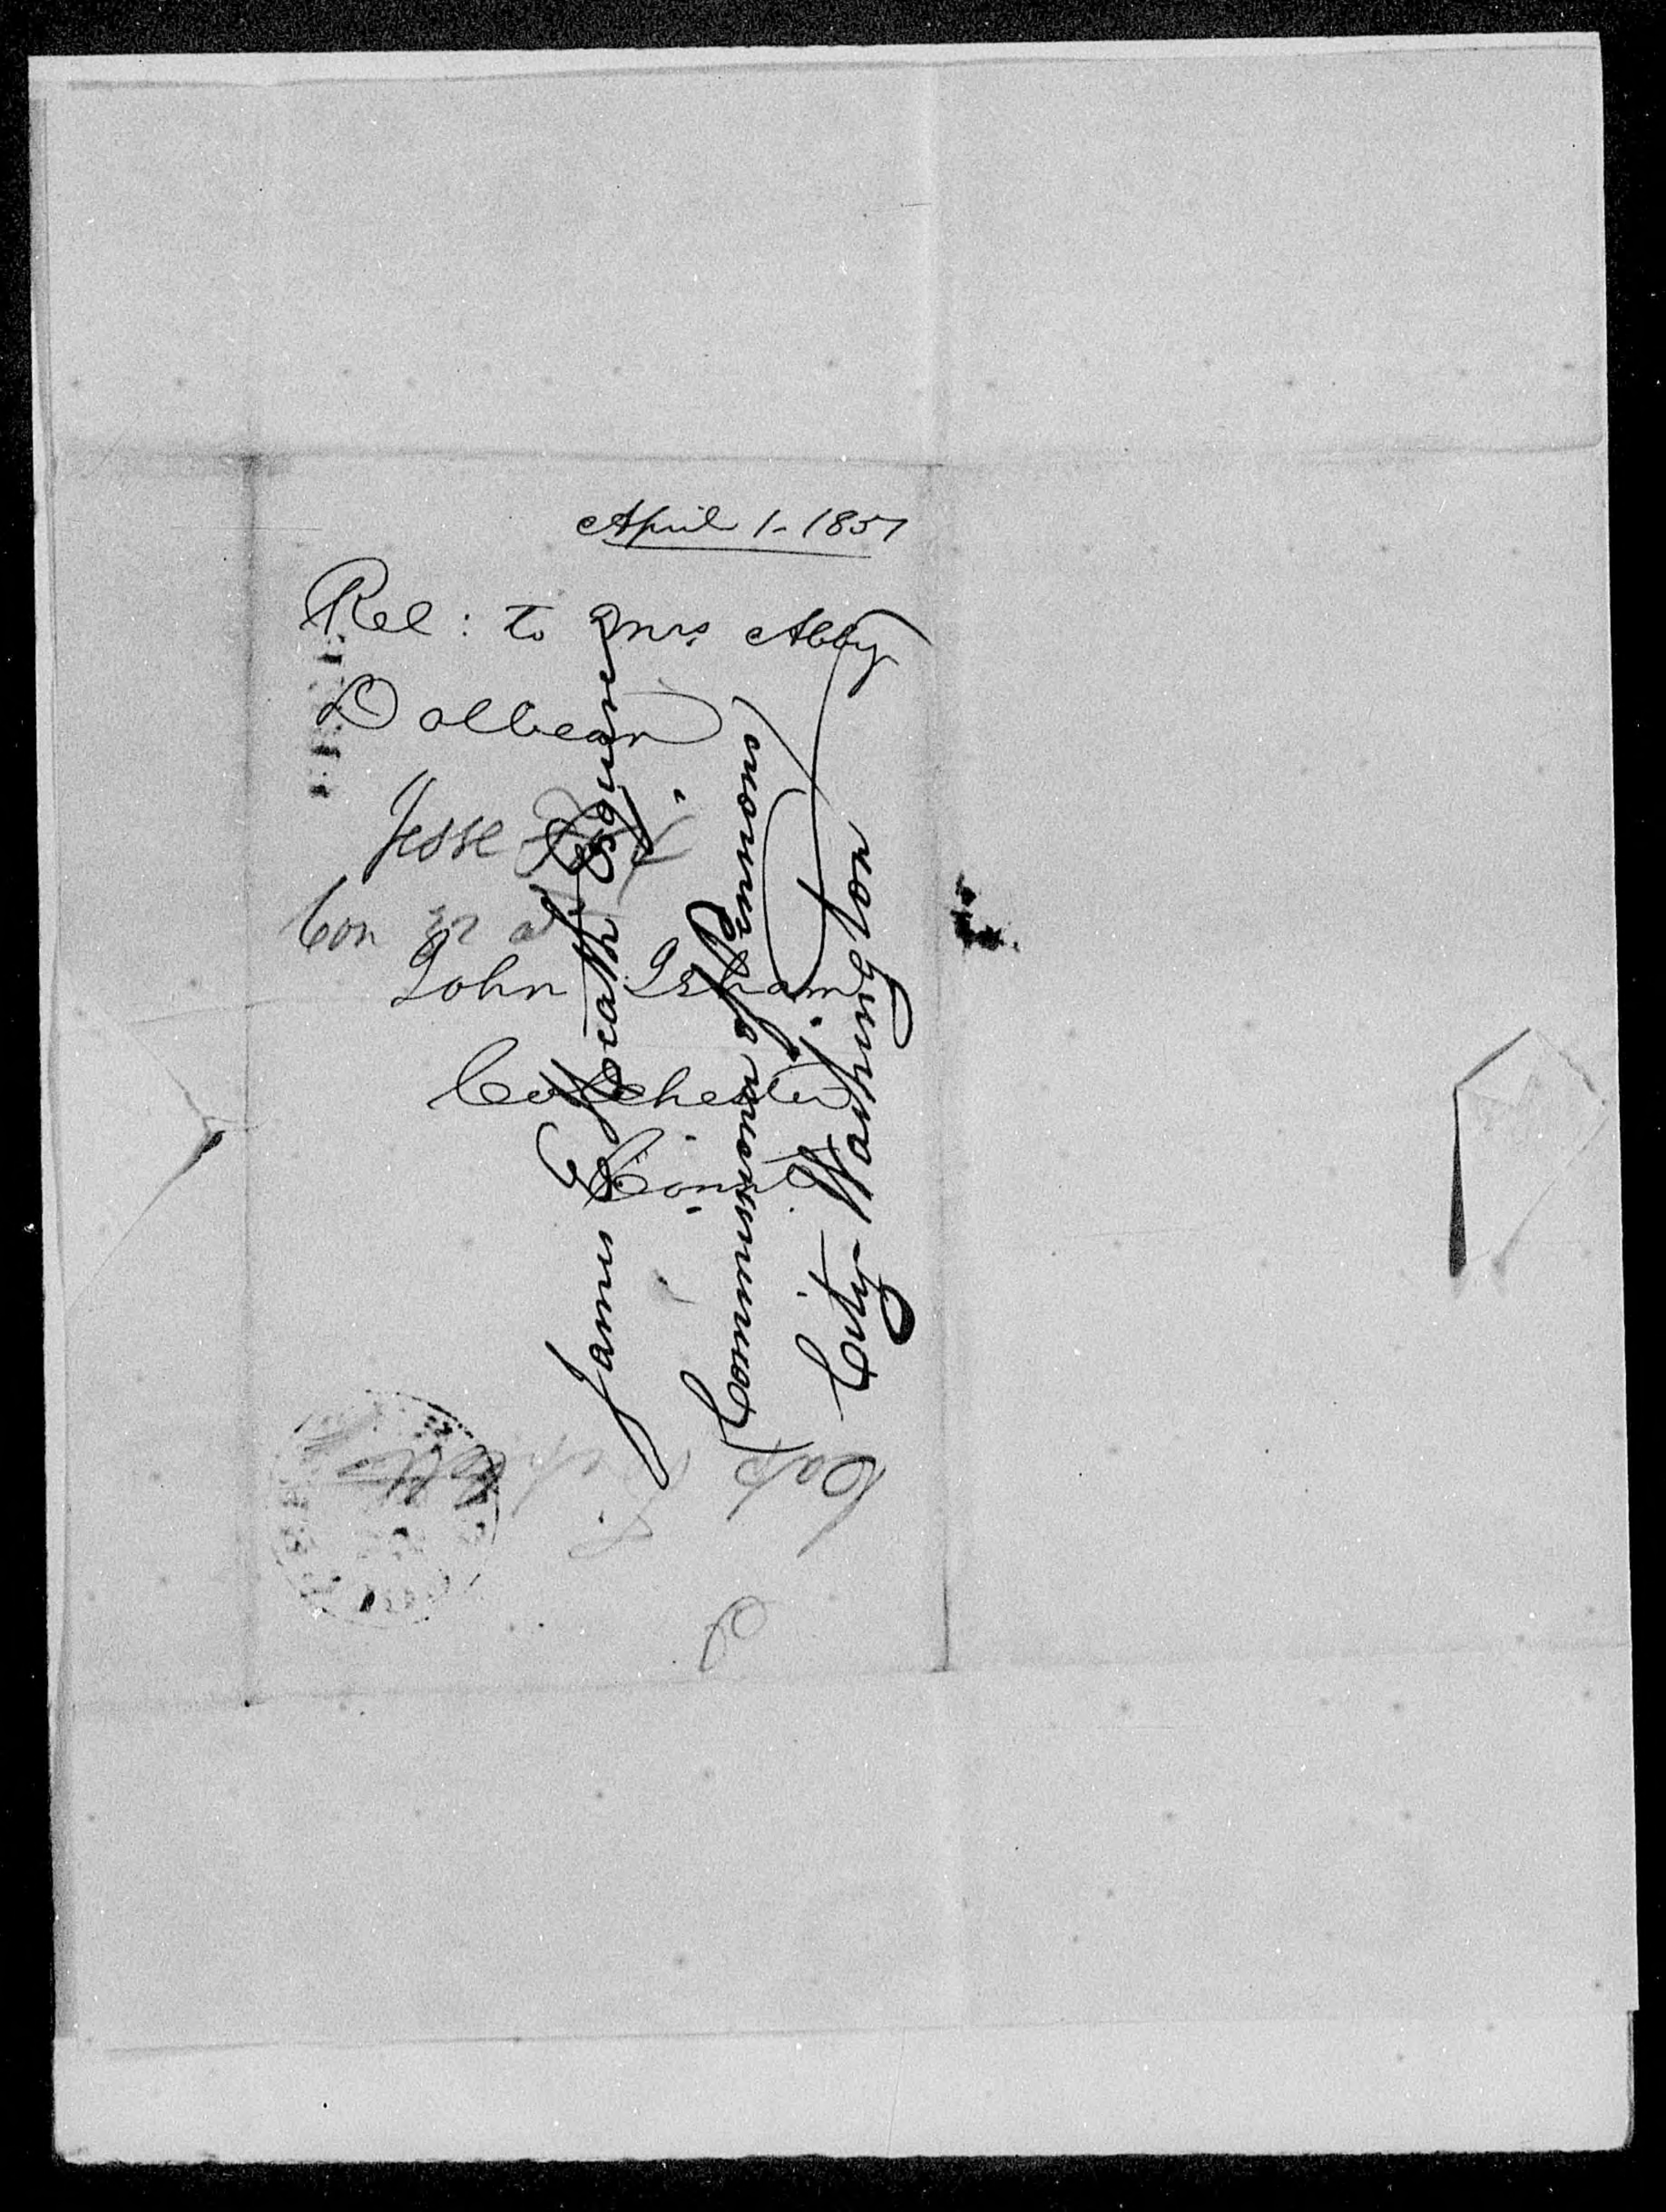James E Heath Esquire
Commissioner of Pensions
City Washington

Rel: to Mrs Abby
Dolbear
Jesse Goc
Con 32 at

John Isham
Colchester
Connt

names: James E Heath, Jesse Fox, Abby Dolbear, John Isham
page: 25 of 53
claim: rejected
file: R. 3732, Jesse Fox, Conn.